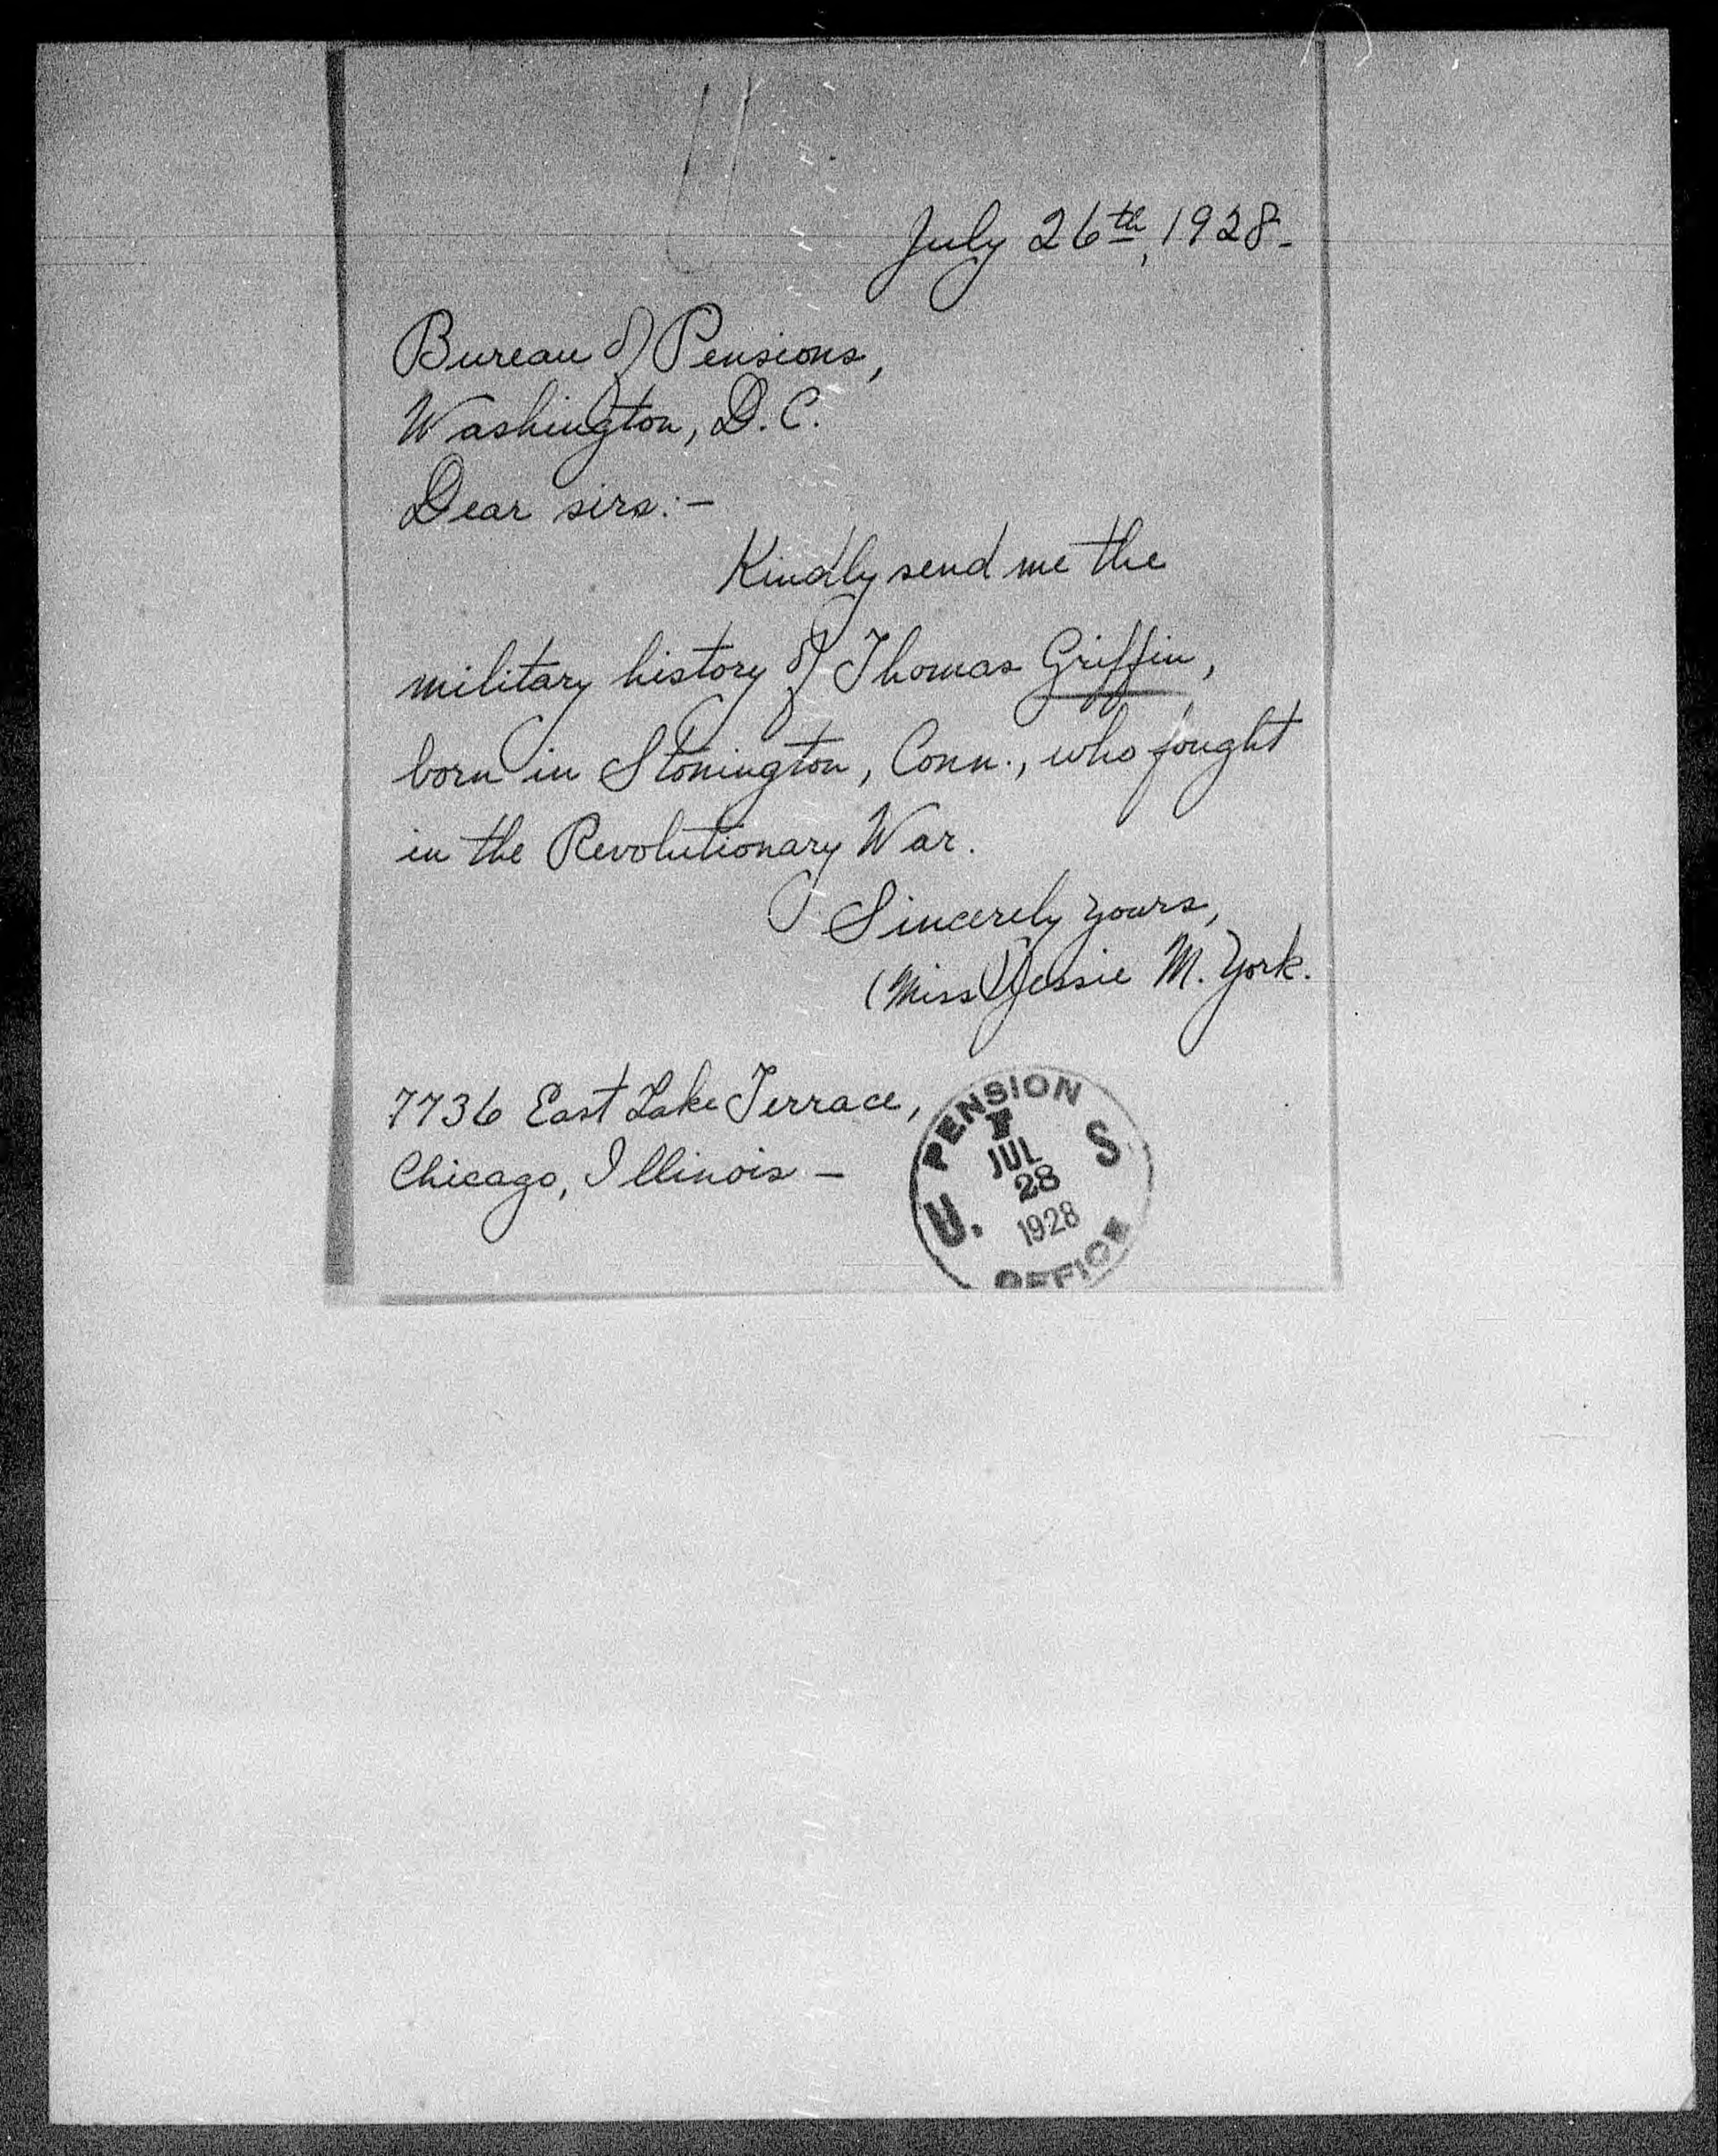July 26th, 1928

Bureau of Pensions, 
Washington, D. C.
Dear sirs:-

Kindly send me the military history of Thomas Griffin, born in Stonington, Conn. , who fought in the Revolutionary War. 

Sincerely yours, 
Miss Jessie M. York. 

7736 East Lake Terrace, 
Chicago, Illinois- 

Pension Office
F
U.S.
Jul 28 1928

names: Jessie M York, Thomas Griffin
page: 51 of 60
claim: widow's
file: W. 19,537, Thomas Griffin, Conn.